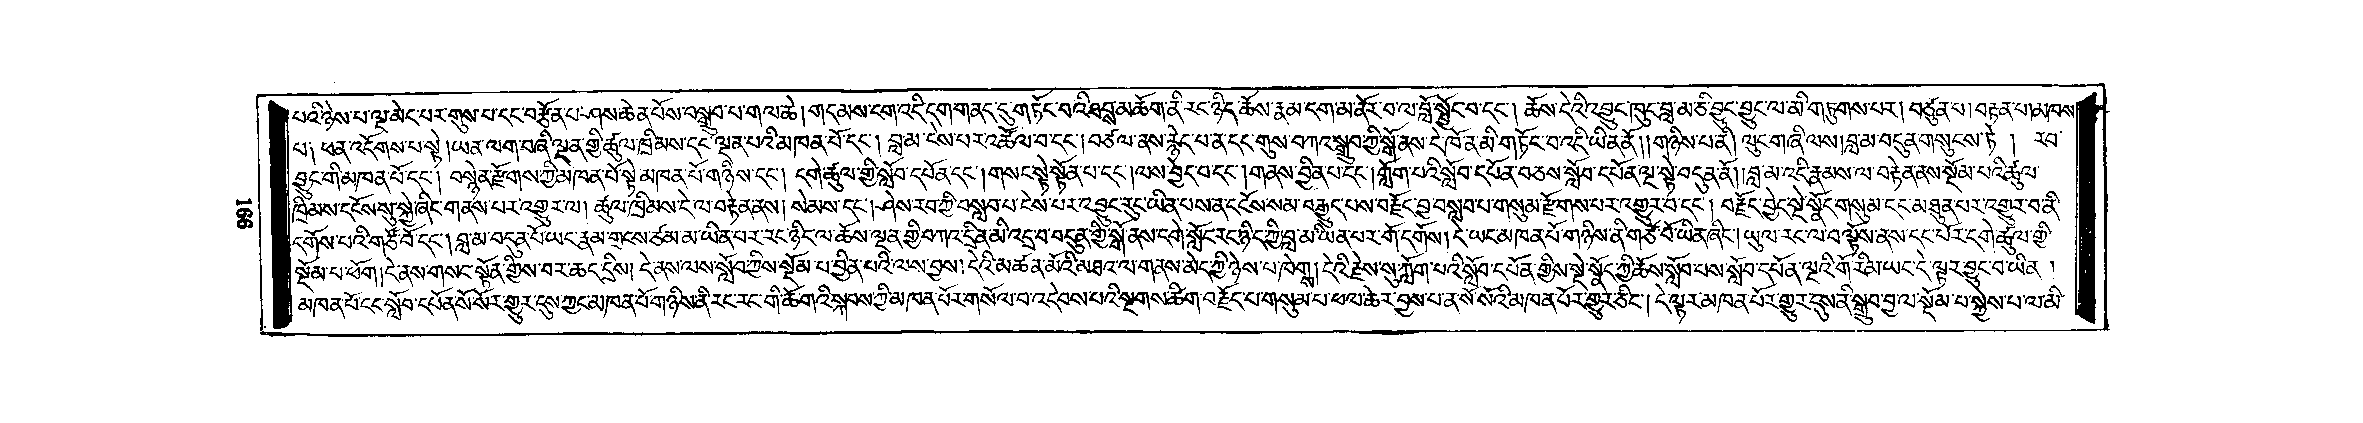པའི་ཉེས་པ་ལྔ་མེད་པར་གུས་པ་དང་བརྩོན་པ་ཤས་ཆེན་པོས་བསྒྲུབ་པ་གལ་ཆེ། གདམས་ངག་འདི་དག་གནད་དུ་གཏོང་བའི་ཐབས་མཆོག་ནི་རང་ཉིད་ཆོས་རྣམ་དག་མ་ནོར་བ་ལ་བློ་སྦྱོང་བ་དང་། ཆོས་དེའི་འབྱུང་ཁུང་བླ་མ་ཅི་བྱུང་བྱུང་ལ་མི་གཏུགས་པར། བཙུན་པ། བརྟན་པ། མཁས་
པ། ཕན་འདོགས་པ་སྟེ། ཡན་ལག་བཞི་ལྡན་གྱི་ཚུལ་ཁྲིམས་དང་ལྡན་པའི་མཁན་པོ་དང་། བླ་མ་ངེས་པར་འཚོལ་བ་དང་། བཙལ་ནས་རྙེད་པ་ན་དང་གུས་བཀའ་སྒྲུབ་ཀྱི་སྒོ་ནས་དེ་ཁོ་ན་མི་གཏོང་བ་འདི་ཡིན་ནོ། །གཉིས་པ་ནི། ལུང་གཞི་ལས། བླ་མ་བདུན་གསུངས་ཏེ། རབ་
བྱུང་གི་མཁན་པོ་དང་། བསྙེན་རྫོགས་ཀྱི་མཁན་པོ་སྟེ་མཁན་པོ་གཉིས་དང་། དགེ་ཚུལ་གྱི་སློབ་དཔོན་དང་། གསང་སྟེ་སྟོན་པ་དང་། ལས་བྱེད་པ་དང་། གནས་བྱིན་པ་དང་། གློག་པའི་སློབ་དཔོན་བཅས་སློབ་དཔོན་ལྔ་སྟེ་བདུན་ནོ། །བླ་མ་འདི་རྣམས་ལ་བརྟེན་ནས་སྡོམ་པའི་ཚུལ་
ཁྲིམས་དངོས་སུ་སྐྱེ་ཞིང་གནས་པར་འགྱུར་ལ། ཚུལ་ཁྲིམས་དེ་ལ་བརྟེན་ནས། སེམས་དང་། ཤེས་རབ་ཀྱི་བསླབ་པ་ངེས་པར་འབྱུང་རུང་ཡིན་པས་ན་དངོས་སམ་བརྒྱུད་པས་བརྗོད་བྱ་བསླབ་པ་གསུམ་རྫོགས་པར་འགྱུར་བ་དང་། བརྗོད་བྱེད་སྡེ་སྣོད་གསུམ་དང་མཐུན་པར་འགྱུར་བ་ནི་
དགོས་པའི་གཙོ་བོ་དང་། བླ་མ་བདུན་པོ་ཡང་རྣམ་གྲངས་ཙམ་མ་ཡིན་པར་རང་ཉིད་ལ་ཆོས་ལྡན་གྱི་བཀའ་དྲིན་མི་འདྲ་བ་བདུན་གྱི་སྒོ་ནས་དགེ་སློང་རང་ཉིད་ཀྱི་བླ་མ་ཡིན་པར་གོ་དགོས། དེ་ཡང་མཁན་པོ་གཉིས་ནི་གཙོ་བོ་ཡིན་ཞིང་། ཡུལ་རང་ལ་བལྟོས་ནས་དང་པོར་དགེ་ཚུལ་གྱི་
སྡོམ་པ་ཕོག །དེ་ནས་གསང་སྟོན་གྱིས་བར་ཆད་དྲིས། དེ་ནས་ལས་སློབ་ཀྱིས་སྡོམ་པ་བྱིན་པའི་ལས་བྱས། དེའི་མཚན་མོའི་མཐའ་ལ་གནས་མེད་ཀྱི་ཉེས་པ་ཁེགས། དེའི་རྗེས་སུ་ཀློག་པའི་སློབ་དཔོན་གྱིས་སྡེ་སྣོད་ཀྱི་ཆོས་སློབ་པས་སློབ་དཔོན་ལྔའི་གོ་རིམ་ཡང་དེ་ལྟར་བྱུང་བ་ཡིན།
མཁན་པོ་དང་སློབ་དཔོན་སོ་སོར་གྱུར་དུས་ཀྱང་མཁན་པོ་གཉིས་ནི་རང་རང་གི་ཆོ་གའི་སྐབས་ཀྱི་མཁན་པོར་གསོལ་བ་འདེབས་པའི་སྔགས་ཚིག་བརྗོད་པ་གསུམ་པ་ཕལ་ཆེར་བྱས་པ་ན་སོ་སོའི་མཁན་པོར་གྱུར་ཅིང་། དེ་ལྟར་མཁན་པོར་གྱུར་དུས་ནི་སྒྲུབ་བྱ་ལ་སྡོམ་པ་སྐྱེས་པ་ལ་མི་